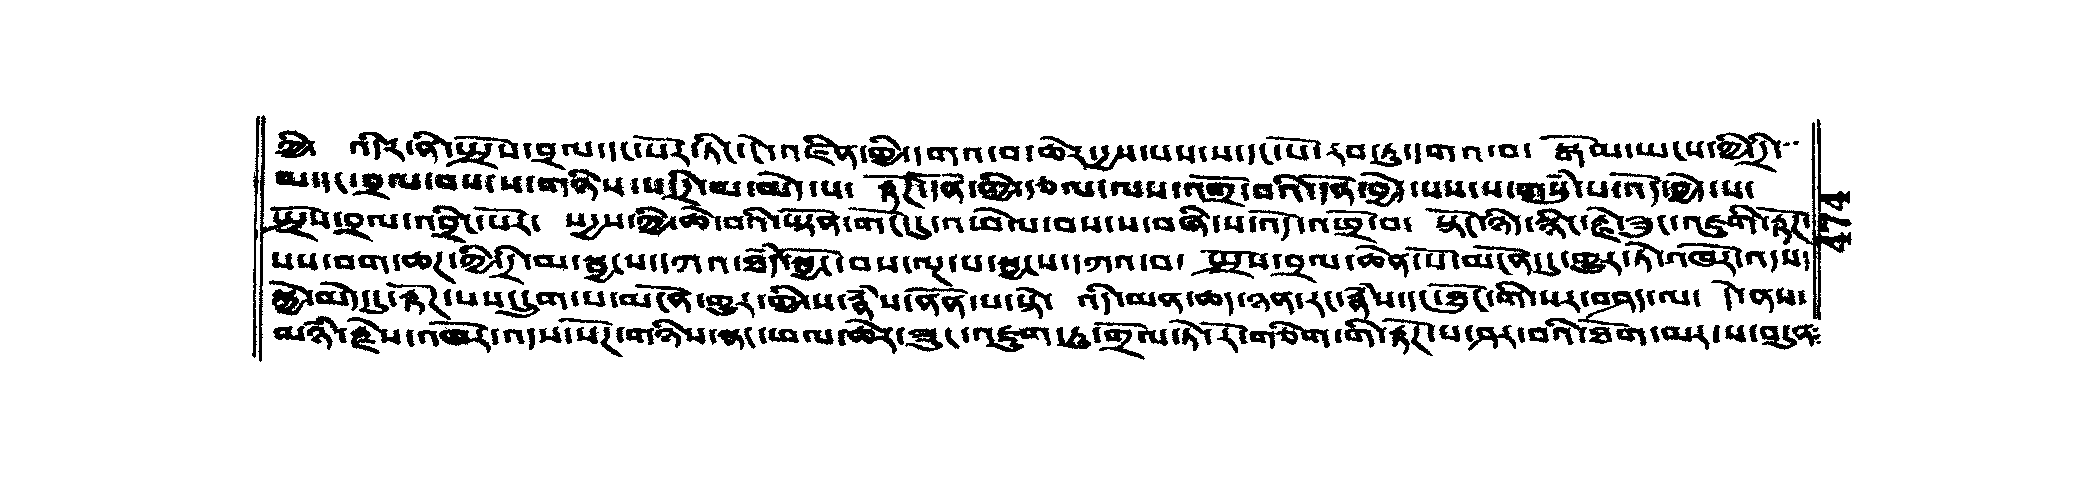ཀྱི། འདིར་ནི་སྤྲོས་བྲལ་དང་པོར་ཏིང་ངེ་འཛིན་གྱི་དགའ་བ་ཆེར་རྒྱས་པས་ས་དང་པོར་རབ་ཏུ་དགའ་བ། སྒོམ་སྤངས་ཀྱི་དྲི་
མ་དང་བྲལ་བས་ས་གཉིས་པ་དྲི་མ་མེད་པ། རྟོགས་དོན་གྱི་རྩལ་ལས་འགྲོ་བའི་དོན་བྱེད་པས་ས་གསུམ་པ་འོད་བྱེད་པ་
སྤྲོས་བྲལ་འབྲིང་པོར། སངས་རྒྱས་ཀྱི་ཆེ་བའི་ཡོན་ཏན་གོང་དུ་འཕེལ་བས་ས་བཞི་པ་འོད་འཕྲོ་བ། སྟོང་ཉིད་སྙིང་རྗེ་ཟུང་འཇུག་གི་རྟོགས་
པས་བག་ཆགས་ཀྱི་དྲི་མ་སྦྱངས་དཀའ་ཐམས་ཅད་སྦྱོང་བས་ལྔ་པ་སྦྱངས་དཀའ་བ། སྤྲོས་བྲལ་ཆེན་པོ་མངོན་དུ་གྱུར་ཏེ་འཁོར་འདས་
སྐྱེ་མེད་དུ་རྟོགས་པས་དྲུག་པ་མངོན་གྱུར་གྱི་ས་རྣམས་ནོན་པ་སྟེ།འདི་མན་ཆད་ཉན་རང་རྣམས་དང་ཐུན་མོང་གི་སར་བཤད་ལ། དེ་ནས་
མཉམ་རྗེས་འཁོར་འདས་སོགས་གཉིས་སྣང་ཕལ་ཆེར་ཟུང་འཇུག་ཏུ་གྲོལ་ཏེ་རོ་གཅིག་གི་རྟོགས་པ་ཤར་བའི་ཐོག་མར་ས་བདུན་